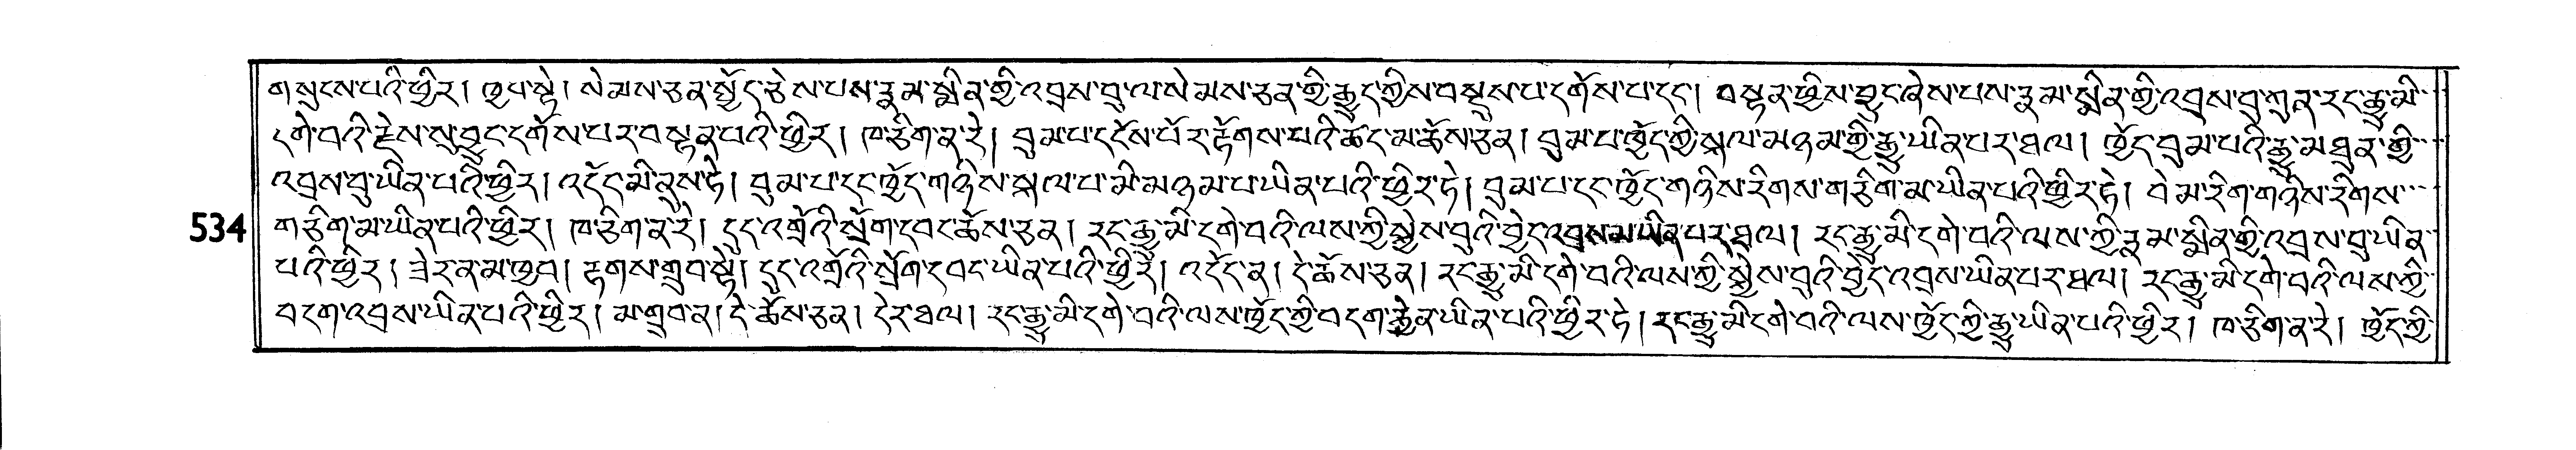གསུངས་པའི་ཕྱིར། ཁྱབ་སྟེ། སེམས་ཅན་སྤྱོད་ཅེས་པས་རྣམ་སྨིན་གྱི་འབྲས་བུ་ལ་སེམས་ཅན་གྱི་རྒྱུད་ཀྱིས་བསྡུས་པ་དགོས་པ་དང་། བསྟན་ཕྱིས་བྱུང་ཞེས་པས་རྣམ་སྨིན་གྱི་འབྲས་བུ་ཀུན་རང་རྒྱུ་མི་
དགེ་བའི་རྗེས་སུ་བྱུང་དགོས་པར་བསྟན་པའི་ཕྱིར། ཁ་ཅིག་ན་རེ། བུམ་པ་དངོས་པོར་རྟོགས་པའི་ཚད་མ་ཆོས་ཅན། བུམ་པ་ཁྱོད་ཀྱི་སྐལ་མཉམ་གྱི་རྒྱུ་ཡིན་པར་ཐལ། ཁྱོད་བུམ་པའི་རྒྱུ་མཐུན་གྱི་
འབྲས་བུ་ཡིན་པའི་ཕྱིར། འདོད་མི་ནུས་ཏེ། བུམ་པ་དང་ཁྱོད་གཉིས་སྐལ་པ་མི་མཉམ་པ་ཡིན་པའི་ཕྱིར་ཏེ། བུམ་པ་དང་ཁྱོད་གཉིས་རིགས་གཅིག་མ་ཡིན་པའི་ཕྱིར་ཏེ། བེམ་རིག་གཉིས་རིགས་
གཅིག་མ་ཡིན་པའི་ཕྱིར། ཁ་ཅིག་ན་རེ། དུད་འགྲོའི་སྲོག་དབང་ཆོས་ཅན། རང་རྒྱུ་མི་དགེ་བའི་ལས་ཀྱི་སྐྱེས་བུའི་བྱེད་འབྲས་མ་ཡིན་པར་ཐལ། རང་རྒྱུ་མི་དགེ་བའི་ལས་ཀྱི་རྣམ་སྨིན་གྱི་འབྲས་བུ་ཡིན་
པའི་ཕྱིར། ཟེར་ན་མ་ཁྱབ། རྟགས་གྲུབ་སྟེ། དུད་འགྲོའི་སྲོག་དབང་ཡིན་པའི་ཕྱིར། འདོད་ན། དེ་ཆོས་ཅན། རང་རྒྱུ་མི་དགེ་བའི་ལས་ཀྱི་སྐྱེས་བུའི་བྱེད་འབྲས་ཡིན་པར་ཐལ། རང་རྒྱུ་མི་དགེ་བའི་ལས་ཀྱི་
བདག་འབྲས་ཡིན་པའི་ཕྱིར། མ་གྲུབ་ན། དེ་ཆོས་ཅན། དེར་ཐལ། རང་རྒྱུ་མི་དགེ་བའི་ལས་ཁྱོད་ཀྱི་བདག་རྐྱེན་ཡིན་པའི་ཕྱིར་ཏེ། རང་རྒྱུ་མི་དགེ་བའི་ལས་ཁྱོད་ཀྱི་རྒྱུ་ཡིན་པའི་ཕྱིར། ཁ་ཅིག་ན་རེ། ཁྱོད་ཀྱི་